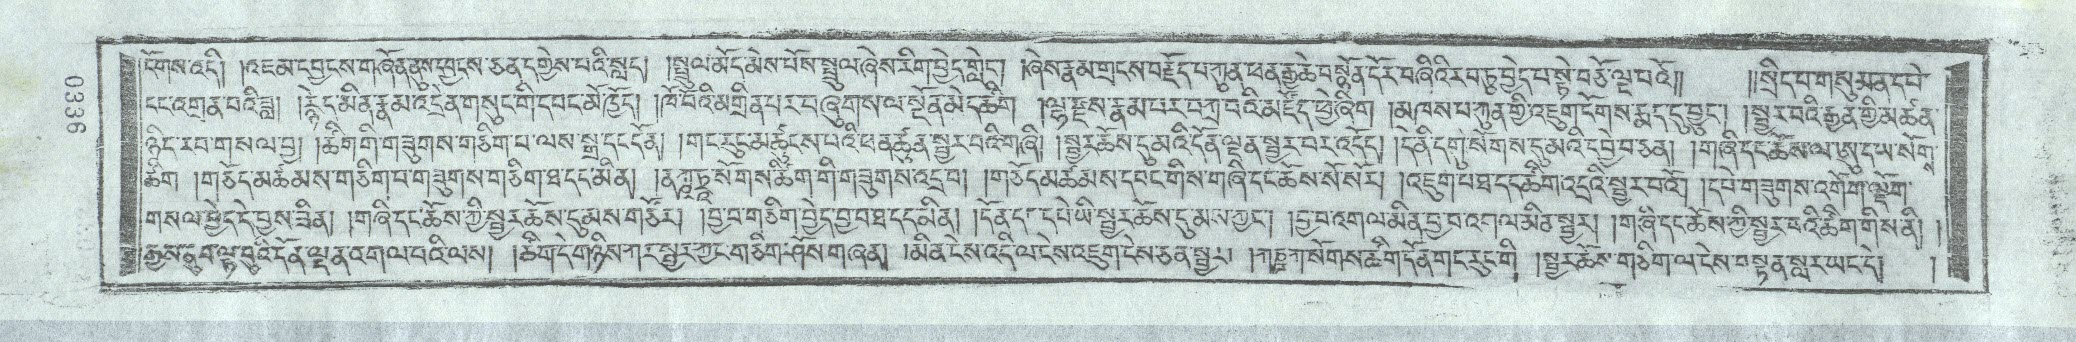དོགས་འདི། །འཇམ་དབྱངས་གཞོན་ནུས་དབྱངས་ཅན་དགྱེས་པའི་སླང་། །སྤྲུལ་མོད་མེས་པོས་སྤྲུལ་ཞེས་རིག་བྱེད་གླེང་། །ཞེས་རྣམ་གྲངས་བརྗོད་པ་ཀུན་ཕན་རྒྱུ་ཆེ་བསྙོན་དོར་བཞིའི་རབ་ཏུ་བྱེད་པ་སྟེ་བཅོ་ལྔ་པའོ།། །།སྲིད་པ་གསུམ་ན་དཔེ་
དང་འགྲན་པའི་ཟླ། །རྙེད་མིན་རྣམ་འདྲེན་གསུང་གི་དབང་མོ་ཁྱོད། །ཁོ་པའི་མགྲིན་པར་བཞུགས་ལ་སྔོན་མེད་ཚིག། །ལྷ་རྫས་རྣམས་པར་བཀྲ་བའི་མཛོད་ཕྱེ་ཞིག །མཁས་པ་ཀུན་གྱི་འཇུག་དོགས་རྨད་དུ་བྱུང་། །སྦྱར་བའི་རྒྱན་གྱི་མཚན་
ཉིད་རབ་གསལ་བྱ། །ཚིག་གི་གཟུགས་གཅིག་པ་ལས་སྒྲ་དང་དོན། །གང་རུང་མཚུངས་པའི་ཕན་ཚུན་སྦྱར་བའི་གཞི། །སྦྱར་ཆོས་དུ་མའི་དོན་ལྡན་སྦྱར་བར་འདོད། །དེ་ནི་དགུ་སོགས་དུ་མའི་དབྱེ་བ་ཅན། །གཞི་དང་ཆོས་ལ་ཨུ་ད་ཡ་སོགས་
ཚིག །གཅོད་མཚམས་གཅིག་པ་གཟུགས་གཅིག་ཐ་དང་མིན། །ན་ཀྵ་ཏྲཱ་སོགས་ཚིག་གི་གཟུགས་དྲ་བ། །གཅོད་མཚམས་དབང་གིས་གཞི་དང་ཆོས་སོ་སོར། །འཇུག་པ་ཐ་དད་ཚིག་འདྲའི་སྦྱར་བའོ། །དཔེ་གཟུགས་འགོག་ལྡོག་
གསལ་བྱེད་དེ་བྱས་ཟིན། །གཞི་དང་ཆོས་ཀྱི་སྦྱར་ཆོས་དུམས་གཙོར། །བྱ་བ་གཅིག་བྱེད་བྱ་བ་ཐ་དད་མིན། །དོན་དང་དཔེ་ཡི་བྱར་ཆོས་དུ་མས་ཀྱང་།བྱ་བ་འགལ་མིན་བྱ་བ་འགལ་མིན་སྦྱར། །གཞི་དང་ཆོས་ཀྱིས་བྱར་བའི་ཚིག་གིས་ནི། །
རྒྱས་ནུབ་ལྟ་བུའི་དོན་ལྡན་འགལ་བའི་ལས། །ཚིག་དེ་གཉིས་ཀར་སྦྱར་ཀྱང་གཅིག་ཤོས་གཞན། །མིན་ངེས་འདི་ལ་ངེས་འཇུག་ངེས་ཅན་སྦྱར། །ཀཎྜ་ཀ་སོགས་ཚིག་དོན་གང་རུང་གི། །སྦྱར་ཆོས་གཅིག་ལ་ངེས་བསྟན་སླར་ཡང་དེ། །